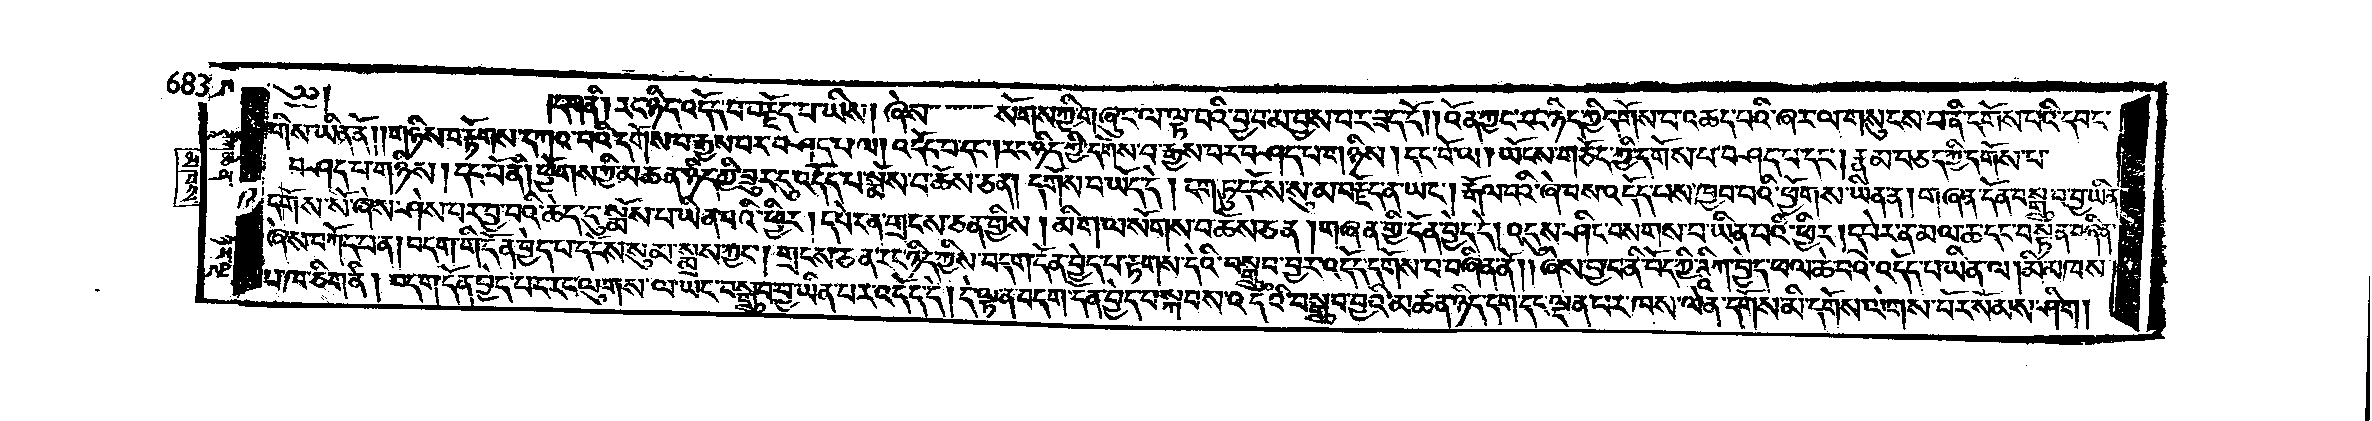༄༅། །དག་ནི། རང་ཉིད་འདོད་པ་བརྗོད་པ་ཡིས། ཞེས་སོགས་ཀྱི་གཞུང་ལ་ལྟ་བའི་བྱ་བ་མ་བྱས་པར་ཟད་དོ། །འོན་ཀྱང་རང་ཉིད་ཀྱི་དགོས་པ་འཆད་པའི་ཞར་ལ་གསུངས་པ་ནི་དགོས་པའི་དབང་
གིས་ཡིན་ནོ། །གཉིས་པ་རྟོགས་དཀའ་བའི་དགོས་པ་རྒྱས་པར་བཤད་པ་ལ། འདོད་པ་དང་། རང་ཉིད་ཀྱི་དགོས་པ་རྒྱས་པར་བཤད་པ་གཉིས། དང་པོ་ལ། ཡོངས་གཅོད་ཀྱི་དགོས་པ་བཤད་པ་དང་། རྣམ་བཅད་ཀྱི་དགོས་པ་
བཤད་པ་གཉིས། དང་པོ་ནི། ཕྱོགས་ཀྱི་མཚན་ཉིད་ཀྱི་ཟུར་དུ་འདོད་པ་སྨོས་པ་ཆོས་ཅན། དགོས་པ་ཡོད་དེ། ངག་ཏུ་དངོས་སུ་མ་བརྗོད་ན་ཡང་། རྒོལ་བའི་ཞེ་བས་འདོད་པས་ཁྱབ་པའི་ཕྱོགས་ཡིན་ན། གཞན་དོན་བསྒྲུབ་བྱ་ཡིན་
དགོས་སོ་ཞེས་ཤེས་པར་བྱ་བའི་ཆེད་དུ་སྨོས་པ་ཡིན་པའི་ཕྱིར། དཔེར་ན་གྲངས་ཅན་གྱིས། མིག་ལ་སོགས་པ་ཆོས་ཅན། གཞན་གྱི་དོན་བྱེད་དེ། འདུས་ཤིང་བསགས་པ་ཡིན་པའི་ཕྱིར། དཔེར་ན་མལ་ཆ་དང་བསྟན་བཞིན་
ཞེས་བཀོད་པ་ན། བདག་གི་དོན་བྱེད་པ་དངོས་སུམ་སྨྲས་ཀྱང་། གྲངས་ཅན་རང་ཉིད་ཀྱིས་བདག་དོན་བྱེད་པ་རྟགས་དེའི་བསྒྲུབ་བྱར་འདོད་དགོས་པ་བཞིན་ནོ། །ཞེས་བྱ་བ་ནི་བོད་ཀྱི་ཊཱིཀ་བྱེད་ཕལ་ཆེ་བའི་འདོད་པ་ཡིན་ལ། མི་མཁས་
པ་ཁ་ཅིག་ནི། བདག་དོན་བྱེད་པར་རང་ལུགས་ལ་ཡང་བསྒྲུབ་བྱ་ཡིན་པར་འདོད་དེ། དེ་ལྟ་ན་བདག་དོན་བྱེད་པ་སྐབས་འདིའི་བསྒྲུབ་བྱའི་མཚན་ཉིད་དག་དང་ལྡན་པར་ཁས་ལེན་དགོས་མི་དགོས་ལེགས་པོར་སོམས་ཤིག།